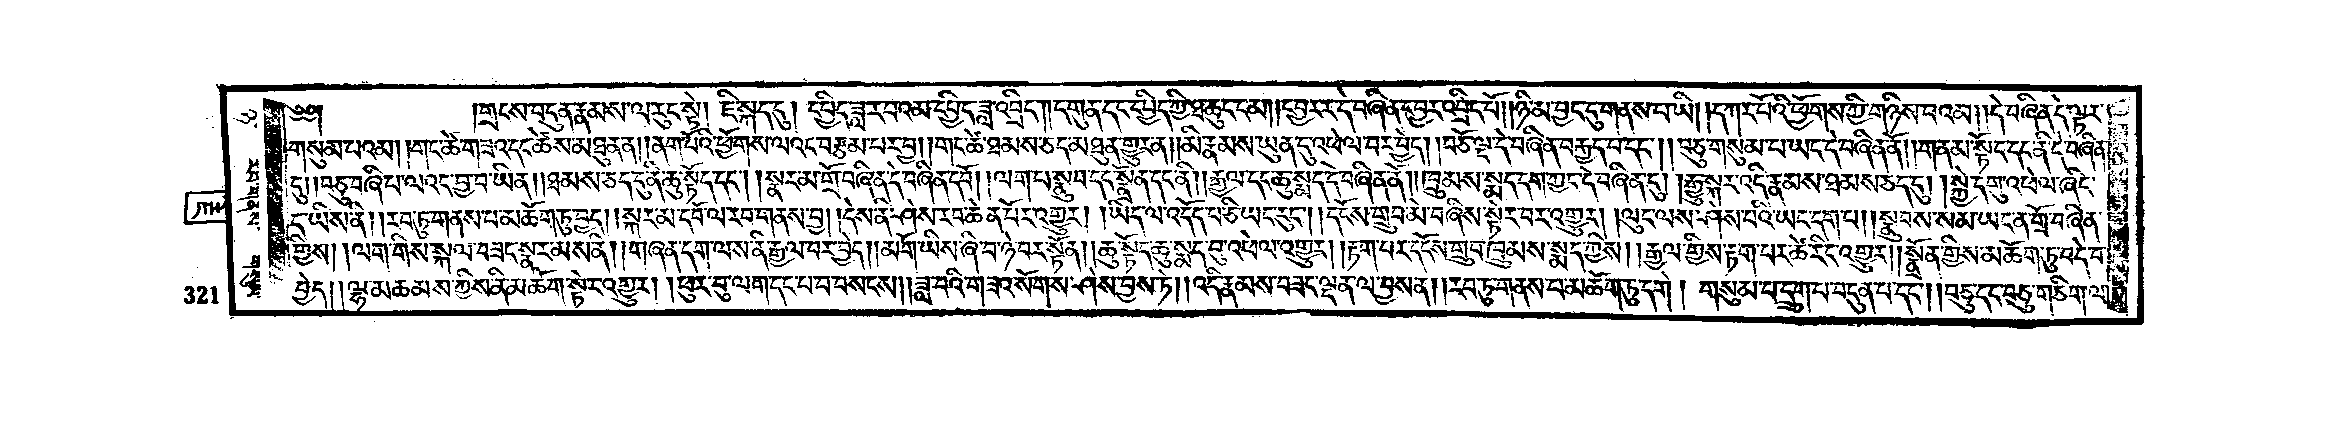༄༅། །གྲངས་བདུན་རྣམས་ལ་རུང་སྟེ། ཇི་སྐད་དུ། དཔྱིད་ཟླ་ར་བའམ་དཔྱིད་ཟླ་འབྲིང་། །དགུན་དང་དཔྱིད་ཀྱི་ཐ་ཆུང་ངམ། །དབྱར་ར་དེ་བཞིན་དབྱར་འབྲིང་པོ། །ཉི་མ་བྱང་དུ་གནས་པ་ཡི། །དཀར་པོའི་ཕྱོགས་ཀྱི་གཉིས་པའམ། །དེ་བཞིན་དེ་ལྟར་
གསུམ་པའམ། །གང་ཚེ་གཟའ་དང་ཚེས་མཐུན་ན། །ནག་པོའི་ཕྱོགས་ལའང་བརྩམ་པར་བྱ། །གང་ཚེ་ཐམས་ཅད་མཐུན་གྱུར་ན། །མི་རྣམས་ཡུན་དུ་འཕེལ་བར་བྱེད། །བཅོ་ལྔ་དེ་བཞིན་བརྐྱད་པ་དང་། །བཅུ་གསུམ་པ་ཡང་དེ་བཞིན་ནོ། །གནམ་སྟོང་དང་ནི་དེ་བཞིན་
དུ། །བཅུ་བཞི་པ་ལའང་བྱ་བ་ཡིན། །ཐམས་ཅད་དུ་ནི་ཆུ་སྟོད་དང་། །སྣར་མ་གྲོ་བཞིན་དེ་བཞིན་དབོ། །ལག་པ་སྣུབ་དང་སྣོབ་དང་ནི། །རྒྱལ་དང་ཆུ་སྨད་དེ་བཞིན་ནོ། །ཁྲུམས་སྨད་དག་ཀྱང་དེ་བཞིན་དུ། །རྒྱུ་སྐར་འདི་རྣམས་ཐམས་ཅད་དུ། །སྐྱེ་དགུ་འཕེལ་ཞིང་
ད་ཡིས་ནི། །རབ་ཏུ་གནས་པ་མཆོག་ཏུ་བྱད། །སྐར་མ་དབོ་ལ་རབ་གནས་བྱ། །དེས་ནི་ཤེས་རབ་ཆེན་པོར་འགྱུར། །ཡིད་ལ་འདོད་པ་ཅི་ཡང་རུང་། །དངོས་གྲུབ་མེ་བཞིས་སྟེར་བར་འགྱུར། །ལུང་ལས་ཤེས་པའི་ཡང་དག་པ། །སྣུབས་སམ་ཡང་ན་གྲོ་བཞིན་
གྱིས། །ལག་གིས་སྐལ་བཟང་སྣར་མས་ནི། །གཞན་དག་ལས་ནི་རྒྱལ་བར་བྱེད། །མགོ་ཡིས་ཞི་བ་ཉེ་བར་སྟོན། །ཆུ་སྟོད་ཆུ་སྨད་བུ་འཕེལ་འགྱུར། །རྟག་པར་དངོས་གྲུབ་ཁྲུམས་སྨད་ཀྱིས། །རྒྱལ་གྱིས་རྟག་པར་ཚེ་རིང་འགྱུར། །སྣྲོན་གྱིས་མཆོག་ཏུ་བདེ་བ་
བྱེད། །ལྷ་མཆམས་ཀྱིས་ནི་མཆོག་སྟེར་འགྱུར། །ཕུར་བུ་ལག་དང་པ་བ་བསངས། །ཟླ་བའི་གཟའ་སོགས་ཤེས་བྱས་ཏེ། །འདི་རྣམས་བཟང་ལྡན་ལ་བྱས་ན། །རབ་ཏུ་གནས་པ་མཆོག་ཏུ་དགེ །གསུམ་པ་དྲུག་པ་བདུན་པ་དང་། །བཅུ་དང་བཅུ་གཅིག་ལ་